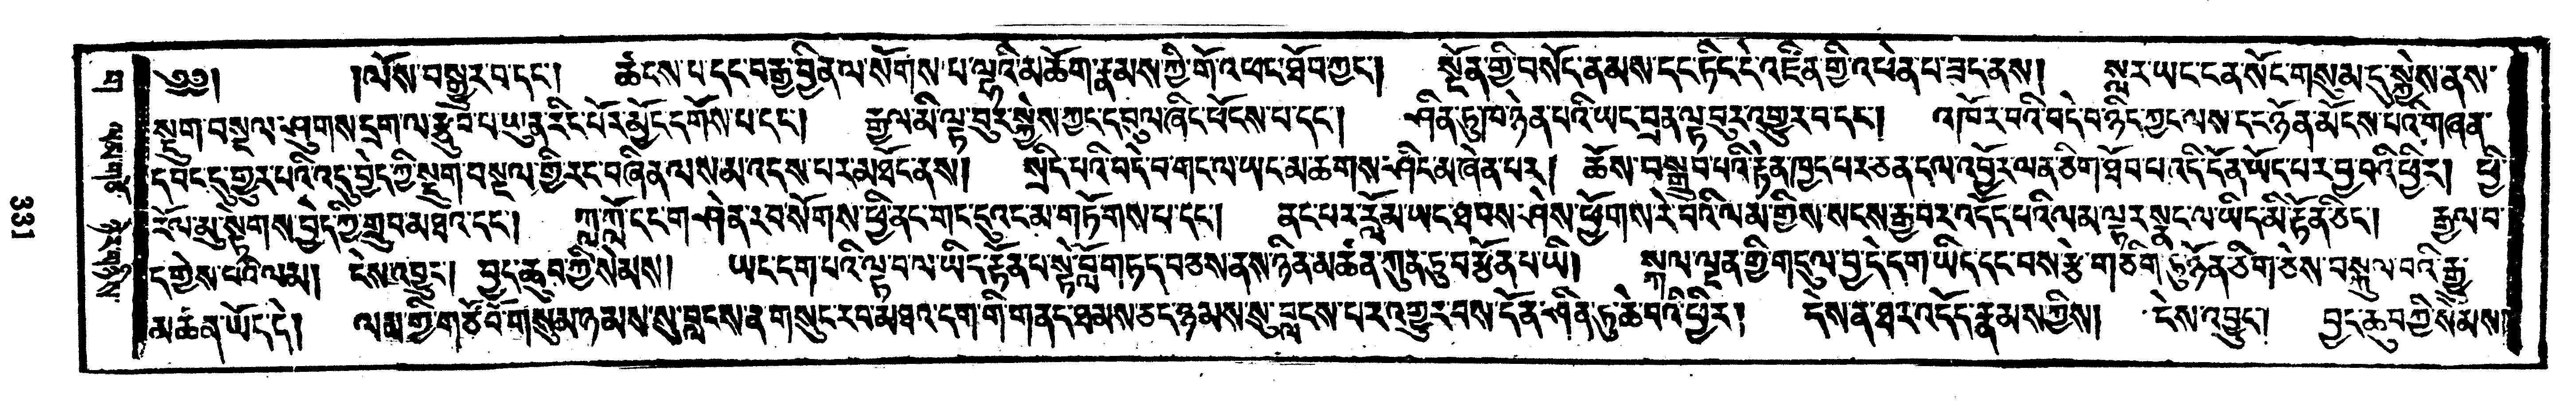༄༅། །ལོས་བསྒྱུར་བ་དང་། ཚངས་པ་དང་བརྒྱ་བྱིན་ལ་སོགས་པ་ལྷའི་མཆོག་རྣམས་ཀྱི་གོ་འཕང་ཐོབ་ཀྱང་། སྔོན་གྱི་བསོད་ནམས་དང་ཏིང་ངེ་འཛིན་གྱི་འཕེན་པ་ཟད་ནས། སླར་ཡང་ངན་སོང་གསུམ་དུ་སྐྱེས་ནས་
སྡུག་བསྔལ་ཤུགས་དྲག་ལ་རྩུབ་པ་ཡུན་རིང་པོར་མྱོང་དགོས་པ་དང་། རྒྱལ་མི་ལྟ་བུར་སྐྱེས་ཀྱང་དབུལ་ཞིང་ཕོངས་པ་དང་། ཤིན་ཏུ་ཁ་ཉེན་པའི་ཡང་བྲན་ལྟ་བུར་འགྱུར་བ་དང་། འཁོར་བའི་བདེ་བ་ཉིད་ཀྱང་ལས་དང་ཉོན་མོངས་པའི་གཞན་
དབང་དུ་གྱུར་པའི་འདུ་བྱེད་ཀྱི་སྡུག་བསྔལ་གྱི་རང་བཞིན་ལས་མ་འདས་པར་མཐོང་ནས། སྲིད་པའི་བདེ་བ་གང་ལ་ཡང་མ་ཆགས་ཤིང་མ་ཞེ་ན་པར། ཆོས་བསྒྲུབ་པའི་རྟེན་ཁྱད་པར་ཅན་དལ་འབྱོར་ལན་ཅིག་ཐོབ་པ་འདི་དོན་ཡོད་པར་བྱ་བའི་ཕྱིར། ཕྱི་
རོལ་མུ་སྟེགས་བྱེད་ཀྱི་གྲུབ་མཐའ་དང་། ཀླ་ཀློ་དང་གཤེན་རབ་སོགས་ཕྱི་ནང་གང་དུའང་མ་གཏོགས་པ་དང་། ནང་པར་རློམ་ཡང་ཐབས་ཤེས་ཕྱོགས་རེ་བའི་ལམ་གྱིས་སངས་རྒྱ་བར་འདོད་པའི་ལམ་ལྟར་སྣང་ལ་ཡིད་མི་རྟོན་ཅིང་། རྒྱལ་བ་
དགྱེས་པའི་ལམ། ངེས་འབྱུང་། བྱང་ཆུབ་ཀྱི་སེམས། ཡང་དག་པའི་ལྟ་བ་ལ་ཡིད་རྟོན་པ་སྟེ་བློ་གཏད་བཅས་ནས་ཉིན་མཚན་ཀུན་ཏུ་བརྩོན་པ་ཡི། སྐལ་ལྡན་གྱི་གདུལ་བྱ་དེ་དག་ཡི་དང་བས་རྩེ་གཅིག་ཏུ་ཉོན་ཅིག་ཅེས་བསྐུལ་བའི་རྒྱུ་
མཚན་ཡོད་དེ། ལམ་གྱི་གཙོ་བོ་གསུམ་ཉམས་སུ་བླངས་ན་གསུང་རབ་མཐའ་དག་གི་གནད་ཐམས་ཅད་ཉམས་སུ་བླངས་པར་འགྱུར་བས་དོན་ཤིན་ཏུ་ཆེ་བའི་ཕྱིར། དེས་ན་ཐར་འདོད་རྣམས་ཀྱིས། ངེས་འབྱུང་། བྱང་ཆུབ་ཀྱི་སེམས་